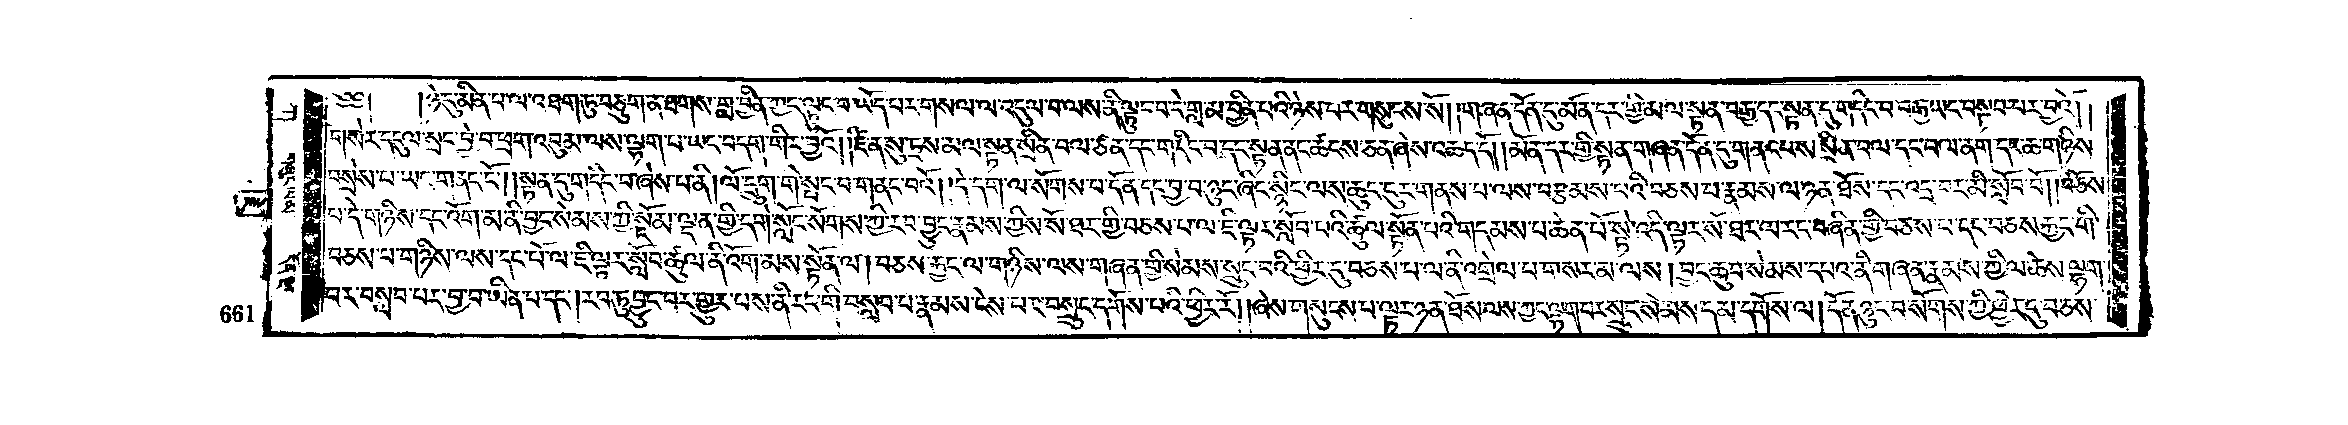༄༅། །ཉེ་དུ་མིན་པ་ལ་འཐག་ཏུ་བཅུག་ན་ཐགས་གླ་བྱིན་ཀྱང་ལྟུང་བ་ཡོད་པར་གསལ་ལ་འདུལ་བ་ལས་ནི་ལྟུང་བ་དེ་གླ་མ་བྱིན་པའི་ཉེས་པར་གསུངས་སོ། །གཞན་དོན་དུ་མོན་དར་གྱི་མལ་སྟན་བརྒྱ་དང་སྟན་དུ་གདིང་བ་བརྒྱ་ཡང་བསྟབ་པར་བྱའོ། །
གསེར་དངུལ་སྲང་བྱེ་བ་ཕྲག་འབུམ་ལས་ལྷག་པ་ཡང་བདག་གིར་བྱའོ། །ཛི་ན་སུ་ཏྲས་མལ་སྟན་སྲིན་བལ་ཙན་དང་གདིང་བ་དང་སྟན་ནང་ཚངས་ཅན་ཞེས་འཆད་དོ། །མོན་དར་གྱི་སྟན་གཞན་དོན་དུ་གནང་པས་སྲིན་བལ་དང་བལ་ནག་དང་ཆ་གཉིས་
བསྲེས་པ་ཡང་གནང་ངོ། །སྟན་དུ་གདིང་བ་ཞེས་པ་ནི། ལོ་དྲུག་གེ་སྤང་བ་གནང་བའོ། །དེ་དག་ལ་སོགས་པ་དོན་དང་བྱ་བ་ཉུང་ཞིང་སྙིང་ལས་ཆུང་ངུར་གནས་པ་ལས་བརྩམས་པའི་བཅས་པ་རྣམས་ལ་ཉན་ཐོས་དང་འདྲ་བར་མི་སློབ་བོ། །བཅོས་
པ་དེ་གཉིས་དང་འོག་མ་ནི་བྱང་སེམས་ཀྱི་སྡོམ་ལྡན་གྱི་དགེ་སློང་སོགས་ཀྱི་རབ་བྱུང་རྣམས་ཀྱིས་སོ་ཐར་གྱི་བཅས་པ་ལ་ཇི་ལྟར་སློབ་པའི་ཚུལ་སྟོན་པའི་གདམས་པ་ཆེན་པོ་སྟེ་འདི་ལྟར་སོ་ཐར་ལ་རང་བཞིན་གྱི་བཅས་པ་དང་བཅས་རྐྱང་གི་
བཅས་པ་གཉིས་ལས་དང་པོ་ལ་ཇི་ལྟར་སློབ་ཚུལ་ནི་འོག་མས་སྟོན་ལ། བཅས་རྐྱང་ལ་གཉིས་ལས་གཞན་གྱི་སེམས་སྲུང་བའི་ཕྱིར་དུ་བཅས་པ་ལ་ནི་འགྲེལ་པ་གསར་མ་ལས། བྱང་ཆུབ་སེམས་དཔའ་ནི་གཞན་རྣམས་ཀྱི་ལ་ཆེས་ལྷག་
པར་བསླབ་པར་བྱ་བ་ཡིན་པ་དང་། རབ་ཏུ་བྱུང་བར་གྱུར་པས་ནི་རང་གི་བསླབ་པ་རྣམས་ངེས་པར་བསྲུང་དགོས་པའི་ཕྱིར་རོ། །ཞེས་གསུངས་པ་ལྟར་ཉན་ཐོས་ལས་ཀྱང་ལྷག་པར་སྲུང་སེམས་དམ་དགོས་ལ། དོན་ཉུང་བ་སོགས་ཀྱི་ཕྱིར་དུ་བཅས་